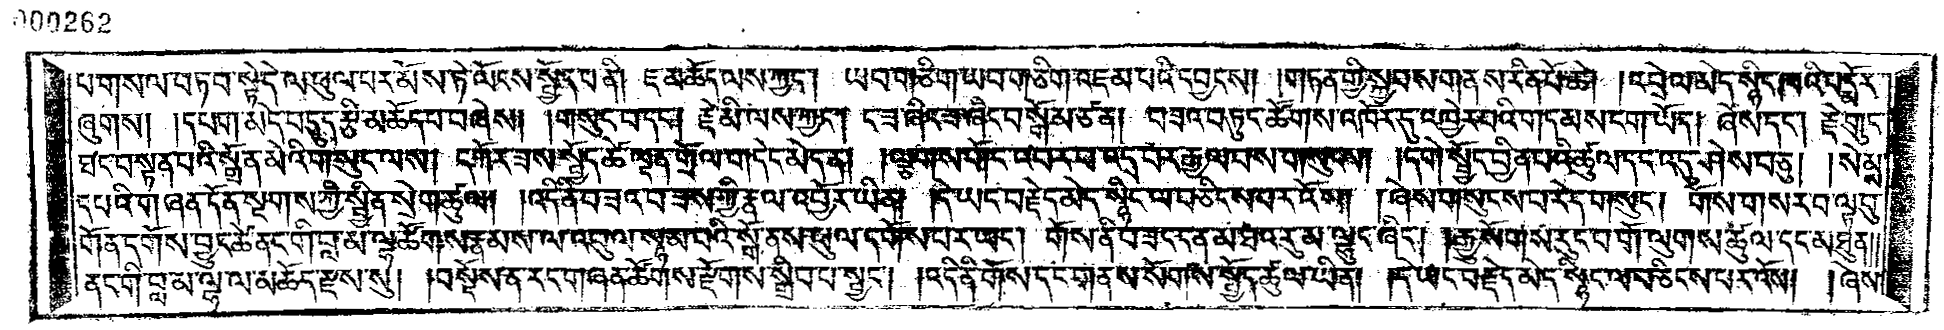པ་གསལ་བཏབ་སྟེ་དེ་ལ་ཕུལ་པར་མོས་ཏེ་ལོངས་སྤྱོད་པ་ནི། ཇ་མཆོད་ལས་ཀྱང་། ཡབ་གཅིག་ཡབ་གཅིག་འཇམ་པའི་དབྱངས། །གཏན་གྱི་སྐྱབས་གནས་རིན་པོ་ཆེ། །འབྲེལ་མེད་སྙིང་ཁའི་པདམོར་
ཞུགས། །དཔག་མེད་བདུད་རྩི་མཆོད་པ་བཞེས། །གསུང་བ་དང་། རྗེ་མི་ལས་ཀྱང་། ང་ཟ་ཞིང་ཟ་ཞིང་བསྒོམ་ཙ་ན། བཟའ་བཏུང་ཚོགས་འཁོར་དུ་འཁྱེར་བའི་གདམས་ངག་ཡོད། ཞེས་དང་། རྗེ་གུང་
ཐང་བསྟན་པའི་སྒྲོན་མེའི་གསུང་ལས། དཀོར་ཟས་སྤྱོད་ཚེ་ལྡན་གྲོལ་གདེང་མེད་ན། །ལྕགས་གོང་འབར་བ་འདྲ་བར་རྒྱལ་བས་གསུངས། །དགེ་སྦྱོང་བྱིན་པའི་ཚུལ་དང་འདུ་ཤེས་བཅུ། །སེམས་
དཔའི་གཞན་དོན་སྔགས་ཀྱི་སྦྱིན་སྲེག་ཚུལ། །འདི་ནི་བཟའ་བ་ཟས་ཀྱི་རྣལ་འབྱོར་ཡིན། །དེ་ཡང་བརྗེད་མེད་སྙིང་ལ་བཅིངས་པར་འོས། །ཞེས་གསུངས་པ་རེད་གསུང་། གོས་གསར་བ་ལྟ་བུ་
གོན་དགོས་བྱུང་ཚེ་ནང་གི་བླ་མ་ལྷ་ཚོགས་རྣམས་ལ་འབུལ་སྙམ་པའི་སྒོ་ནས་ཕུལ་དགོས་པར་ཡང་། གོས་ནི་བཟང་ངན་མཐའ་རུ་མ་ལྷུང་ཞིང་། །རྒྱུ་སོགས་རུང་བ་གོ་ལུགས་ཚུལ་དང་མཐུན།།
ནང་གི་བླ་མ་ལྷ་ལ་མཆོད་རྫས་སུ། །བསྔོས་ན་རང་གཞན་ཚོགས་རྫོགས་སྒྲིབ་པ་སྦྱང་། །འདི་ནི་གོས་དང་གནས་སོགས་སྤྱོད་ཚུལ་ཡིན། །དེ་ཡང་བརྗེད་མེད་སྙིང་ལ་བཅིངས་པར་འོས། །ཞེས་